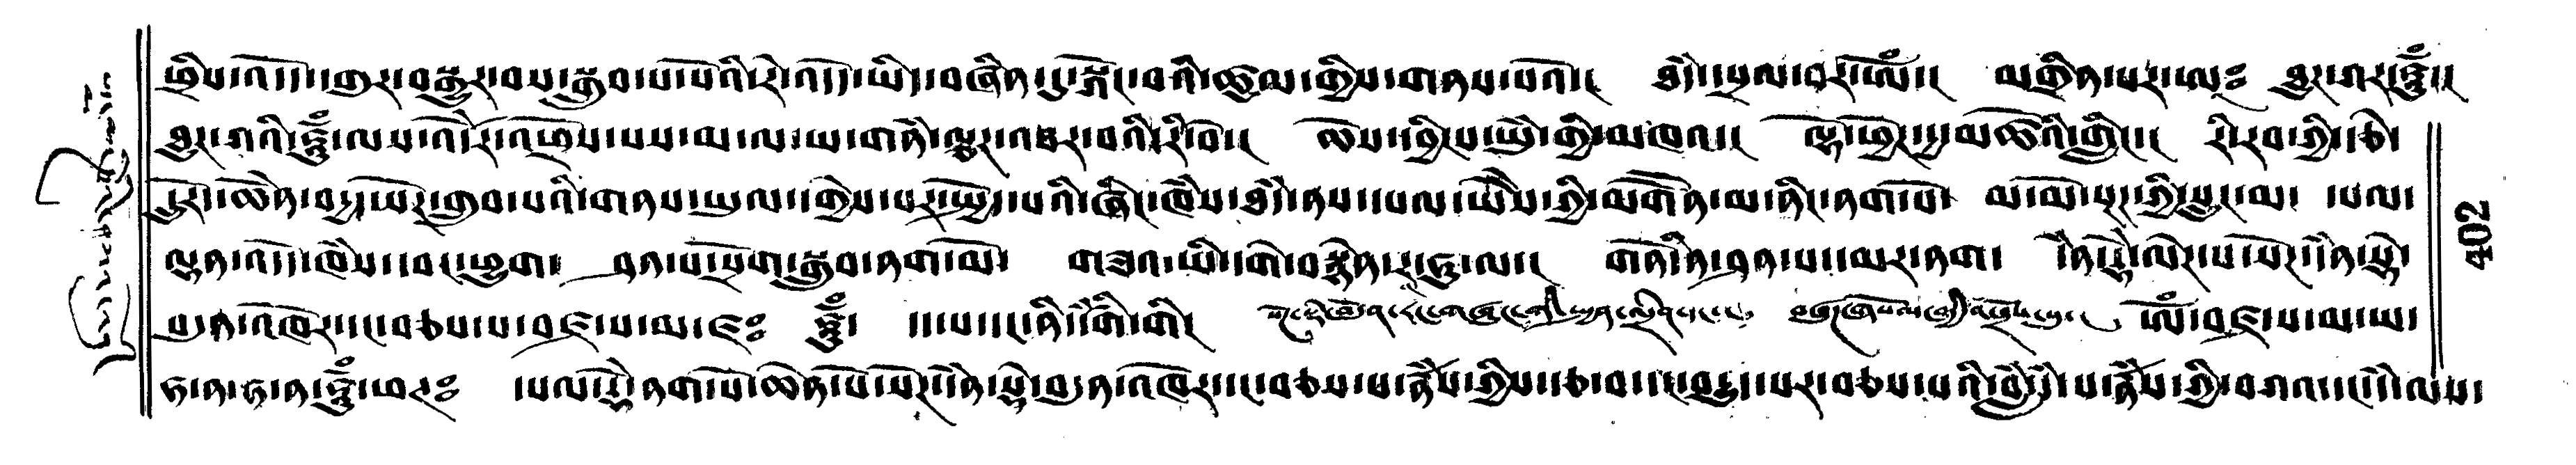ཕྲིན་ལས་འདོད་དགུར་བསྒྱུར་བས་སྒྲུབ་པ་པོའི་རེ་འདོད་ཡིད་བཞིན་དུ་སྐོང་བའི་ཚུལ་གྱིས་གནས་པའོ། ཐམས་ཅད་ཀྱི་དཔྲལ་བར་ཨོཾ། མགྲིན་པར་ཨཱཿ ཐུགས་ཀར་ཧཱུྃ། 
ཐུགས་ཀའི་ཧཱུྃ་ལས་འོད་ཟེར་འཕྲོས་པས་མ་ལ་ཡ་གནམ་ལྕགས་འབར་བའི་རི་བོ། ཆོས་དབྱིངས་ཡུམ་གྱི་མཁའ། ལྷོ་ཕྱོགས་རྒྱ་མཚོའི་གླིང་། རི་རབ་ཀྱི་རྩེ་
དུར་ཁྲོད་ཆེན་པོ་བརྒྱད་སོགས་གྲུབ་པའི་གནས་ཡུལ་དགྱེས་པར་སྤྱོད་པའི་ཞིང་ཁམས་ཐམས་ཅད་ནས་དཔལ་ཡེ་ཤེས་ཀྱི་མགོན་པོ་མ་ནིང་ནག་པོ།མ་མོ་སྔགས་ཀྱི་སྲུང་མ། དཔལ་
ལྡན་འདོད་ཁམས་དབང་ཕྱུག ཤན་པ་སྲོག་སྒྲུབ་ནག་མོ། གཟའ་ཡི་དགེ་བསྙེན་རཱ་ཧུ་ལ། གནོད་སྦྱིན་ཤན་པ་དམར་ནག དམ་ཅན་རྡོ་རྗེ་ལེགས་པ་སོགས་དམ་ཅན་སྡེ་
བདུན་འཁོར་དང་བཅས་པ་བཛྲ་ས་མ་ཛཿ ཧཱུྃ། དད་པ་དང་ནི་དམ་ཚིག་གི་སོགས་སྡེ་བདུན་རང་གཞུང་གི་སྤྱན་འདྲེན་དང་། བཞུགས་གསོལ་གྱི་འཕྲོས་སུ། ཨོཾ་བཛྲ་ས་མ་ཡ་
ཧ་ན་ཧ་ན་ཧཱུྃ་ཕཊཿ དཔལ་རྡོ་རྗེ་ནག་པོ་ཆེན་པོ་སོགས་དམ་ཅན་སྡེ་བདུན་འཁོར་དང་བཅས་པ་རྣམས་ཀྱིས་རྩ་བ་དང་བརྒྱུད་པར་བཅས་པའི་བླ་མ་དམ་པ་རྣམས་ཀྱི་བཀའ་དང་དམ་ལས་